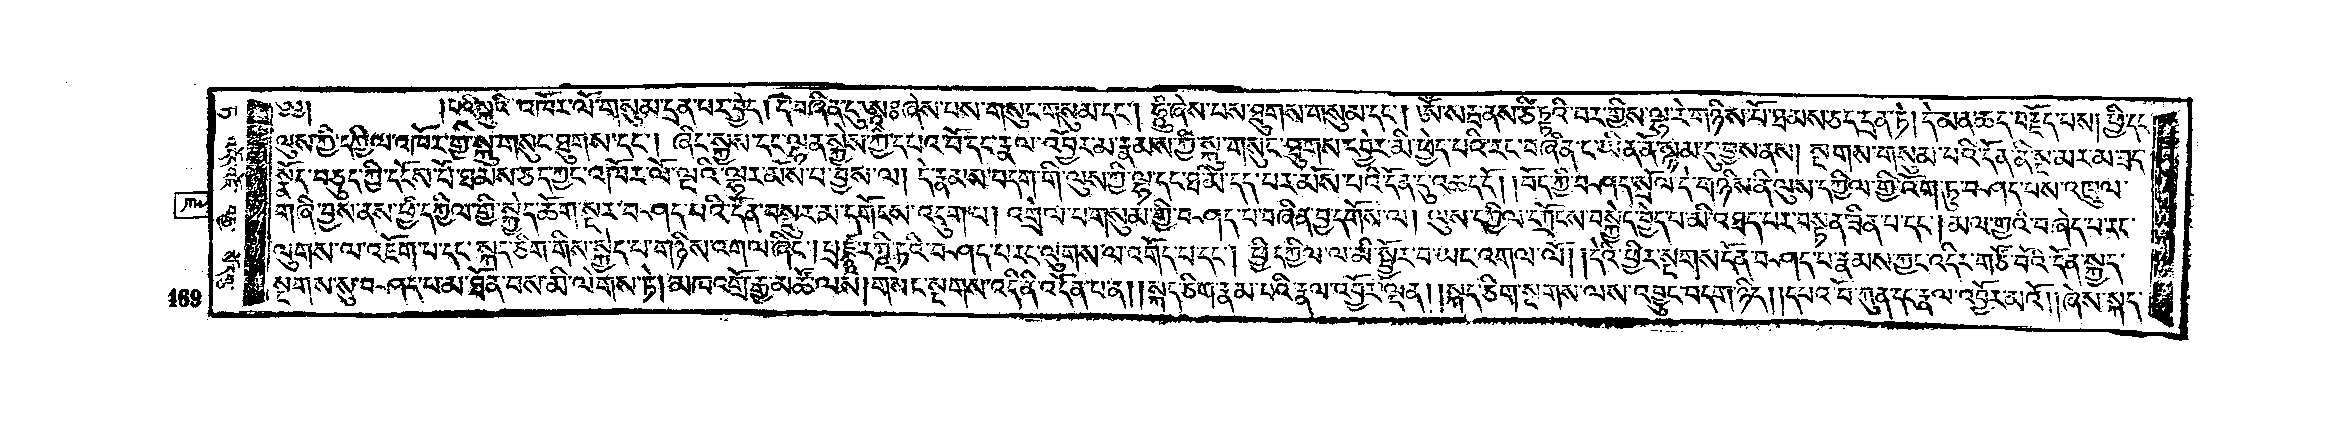༄༅། །པའི་སྐུའི་འཁོར་ལོ་གསུམ་དྲན་པར་བྱེད། དེ་བཞིན་དུ་ཨཱཿ ཞེས་པས་གསུང་གསུམ་དང་། ཧཱུཾ་ཞེས་པས་ཐུགས་གསུམ་དང་། ཨོཾ་སརྦ་ནས་ཙིཏྟའི་བར་གྱིས་ལྷ་རེ་གཉིས་པོ་ཐམས་ཅད་དྲན་ཏེ། དེ་མན་ཆད་བརྗོད་པས། ཕྱི་དང་
ལུས་ཀྱི་དཀྱིལ་འཁོར་གྱི་སྐུ་གསུང་ཐུགས་དང་། ཞིང་སྐྱེས་དང་ལྷན་སྐྱེས་ཀྱི་དཔའ་བོ་དང་རྣལ་འབྱོར་མ་རྣམས་ཀྱི་སྐུ་གསུང་ཐུགས་དབྱེར་མི་ཕྱེད་པའི་རང་བཞིན་ང་ཡིན་ནོ་སྙམ་དུ་བྱས་ནས། སྔགས་གསུམ་པའི་དོན་ནི་སྔ་མར་མ་ཟཌ་
སྣོད་བཅུད་ཀྱི་དངོས་པོ་ཐམས་ཅད་ཀྱང་འཁོར་ལོ་ལྔའི་ལྷར་མོས་པ་བྱས་ལ། དེ་རྣམས་བདག་གི་ལུས་ཀྱི་ལྷ་དང་ཐ་མི་དད་པར་མོས་པའི་དོན་དུ་འཆད་དོ། །བོད་ཀྱི་བཤད་སྲོལ་དེ་གཉིས་ནི་ལུས་དཀྱིལ་གྱི་འོག་ཏུ་བཤད་པས་འཁྲུལ་
གཞི་བྱས་ནས་ཕྱི་དཀྱིལ་གྱི་སྐྱེད་ཆོག་སྔར་བཤད་པའི་དོན་བསྡུར་མ་དགོངས་འདུག་པ། འགྲེལ་པ་གསུམ་གྱི་བཤད་པ་བཞིན་བྱ་དགོས་ལ། ལུས་དཀྱིལ་དཀྲོངས་བསྐྱེད་བྱེད་པ་མི་འཐད་པར་བསྟན་ཟིན་པ་དང་། མལ་གྱོའི་བཞེད་པ་རང་
ལུགས་ལ་འཇོག་པ་དང་སྐད་ཅིག་གིས་སྐྱེད་པ་གཉིས་འགལ་ཞིང་། པྲཛྙཱ་རཀྵི་ཏའི་བཤད་པ་རང་ལུགས་ལ་འགོད་པ་དང་། ཕྱི་དཀྱིལ་ལ་མི་སྦྱོར་བ་ཡང་འགལ་ལོ། །དེའི་ཕྱིར་སྔགས་དོན་བཤད་པ་རྣམས་ཀྱང་འདིར་གཙོ་བོའི་དོན་སྐྱད་
སྔགས་སུ་བཤད་པ་མ་ཐོན་བས་མི་ལེགས་ཏེ། མཁའ་འགྲོ་རྒྱ་མཚོ་ལས། གསང་སྔགས་འདི་ནི་འདོན་པ་ན། །སྐད་ཅིག་རྣམ་པའི་རྣལ་འབྱོར་ལྡན། །སྐད་ཅིག་སྔགས་ལས་འབྱུང་བདག་ཉིད། །དཔའ་བོ་ཀུན་དང་རྣལ་འབྱོར་མའོ། །ཞེས་སྐད་